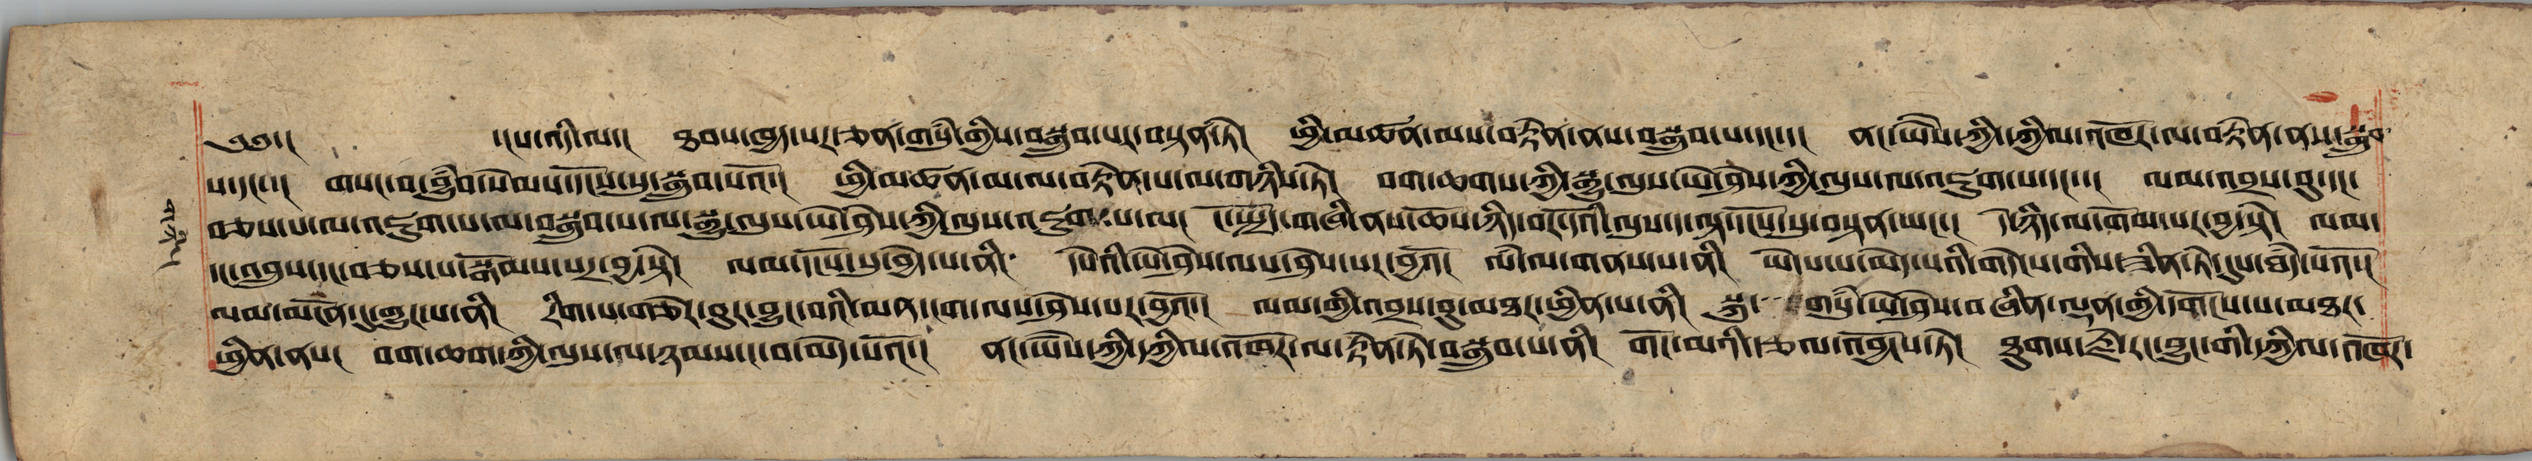༄༅་། ་།ས་འདི་ལ་། ཐབས་ཁྱད་པར་ཅན་གསུཾ་གྱིས་བསྒྲུབ་པར་བསྟན་ཏེ་། ཕྱི་མཚན་མས་བརྟེན་ནས་བསྒྲུབ་པ་དང་་། ནང་ཡཻས་ཀྱི་དཀྱིལ་འཁོར་ལ་བརྟེན་ནས་སྒྲུབ
པ་དང་་། གསང་བ་བྱུཾབ་སེམས་དངོས་སུ་སྒྲུབ་པའོ་། ཕྱི་མཚན་མ་ལ་བརྟེན་པ་ལ་གཉིས་ཏེ་། བག་ཆགས་ཀྱི་སྒྱུ་ལུས་ཡེ་ཤེས་ཀྱི་ལུས་ལ་འཇུག་པ་དང་་། ལམ་འབྲས་བུ་དང་
བཅས་པ་ལ་འཇུག་པ་མ་བསྒྲུབ་པ་ལ་སྒྱུ་ལུས་ཡེ་ཤེས་ཀྱི་ལུས་འཇུག་པ་ལ་། ངོ་སྤྲོད་གཞི་ནས་ཆོས་ཉིད་བར་དོའི་ལུས་ད་ལྟ་དངོས་སུ་བསྟན་ཡང་་། དེ་ཉིད་ལ་གོམ་པར་བྱ་སྟེ། ལམ་
དང་འབྲུས་དང་བཅས་པ་སྒོམས་པར་བྱ་སྟེ་། ལམ་དངོས་སུ་བྱེད་པ་ནི། དཔེའི་ཡེ་ཤེས་ལས་ཤེས་པར་བྱའོ། ལཾ་ལ་གནས་པ་ནི། ཡོདས་པ་མེད་པའི་གདེངས་གིས་ཟིན་ཏེ་དུས་ཐདཾ་པའོ་།
ལམ་མངོན་དུ་གྱུར་པ་ནི། རིག་པ་གཅེར་བུར་བྱུང་བའི་མན་ངག་ལས་ཤེས་པར་བྱའོ་། ལམ་གྱི་འབྲས་བུ་མཐར་ཕྱིན་པ་ནི། སྐུ་ གསུཾ་ཡེ་ཤེས་བཞིན་ལྡན་གྱི་དགོངས་པ་མཐར་
ཕྱིན་ནས། བག་ཆགས་ཀྱི་ལུས་ལ་ཉམས་ང་བ་མེད་པའོ་། ནང་ཡཻས་ཀྱི་དཀྱིལ་འཁོར་ལ་རྟེན་ཏེ་བསྒྲུབ་པ་ནི། གོང་མའི་རྩལ་འབྱོངས་ཏེ། ཐུགས་རྗེ་རང་བྱུང་གི་དཀྱིལ་འཁོར་